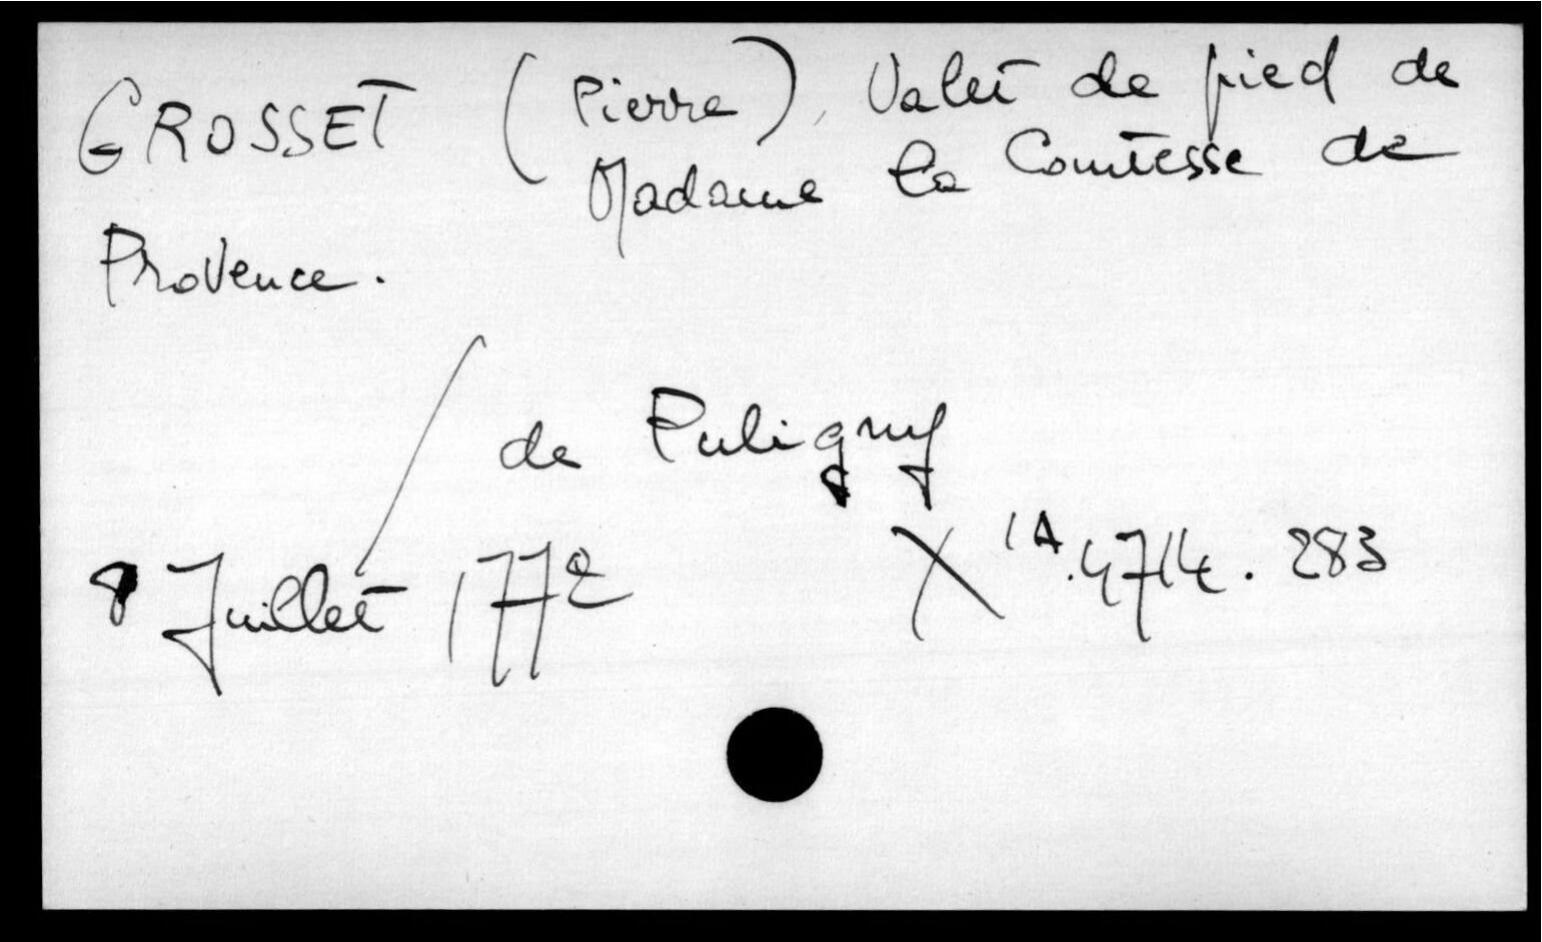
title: GROSSET (Pierre), valet de pied de Madame la comtesse de Provence
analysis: Contre de Puligny
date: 8 juillet 1772
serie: X1A
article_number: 4714
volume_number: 283
